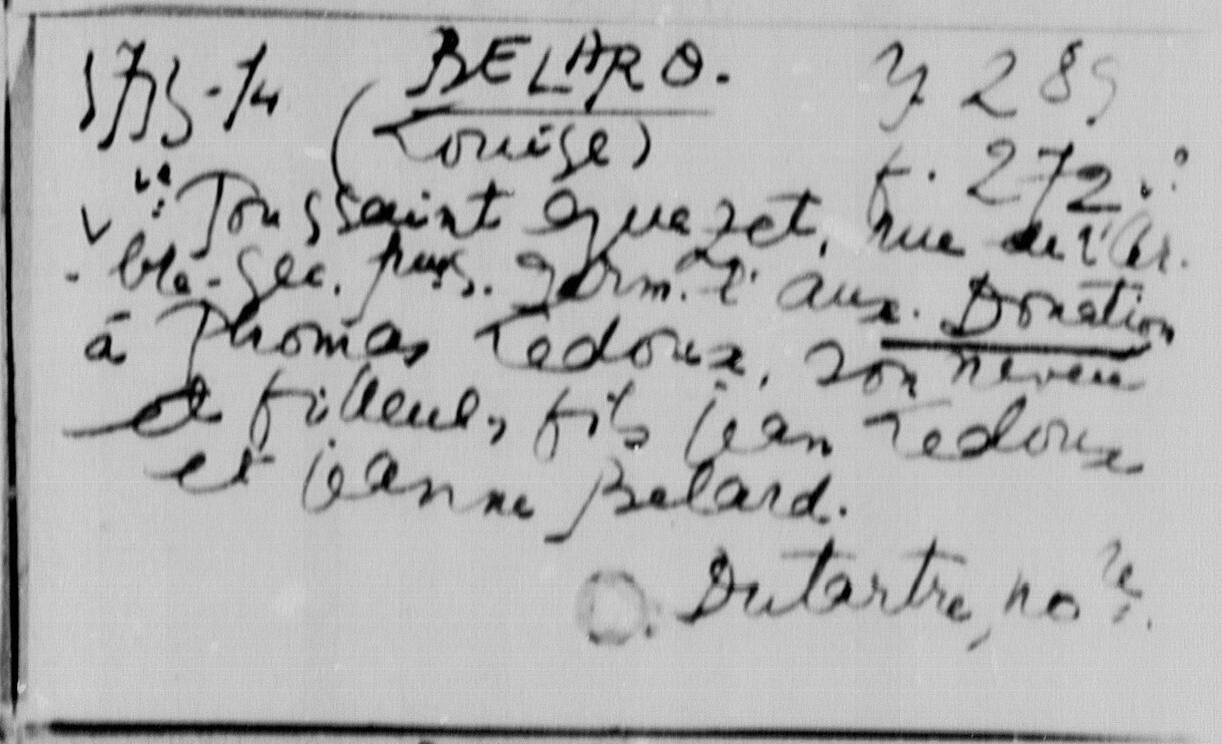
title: BELARD (Louise)
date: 1713-1714
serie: Y
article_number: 289
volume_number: fol. 272v
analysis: Veuve Toussaint GUEZET, rue de l'Arbre-Sec, paroisse Saint-Germain-l'Auxerrois. Donation à Thomas LEDOUX, son neveu et filleul, fils Jean LEDOUX, et Jeanne Belard. Dutartre, notaire.
